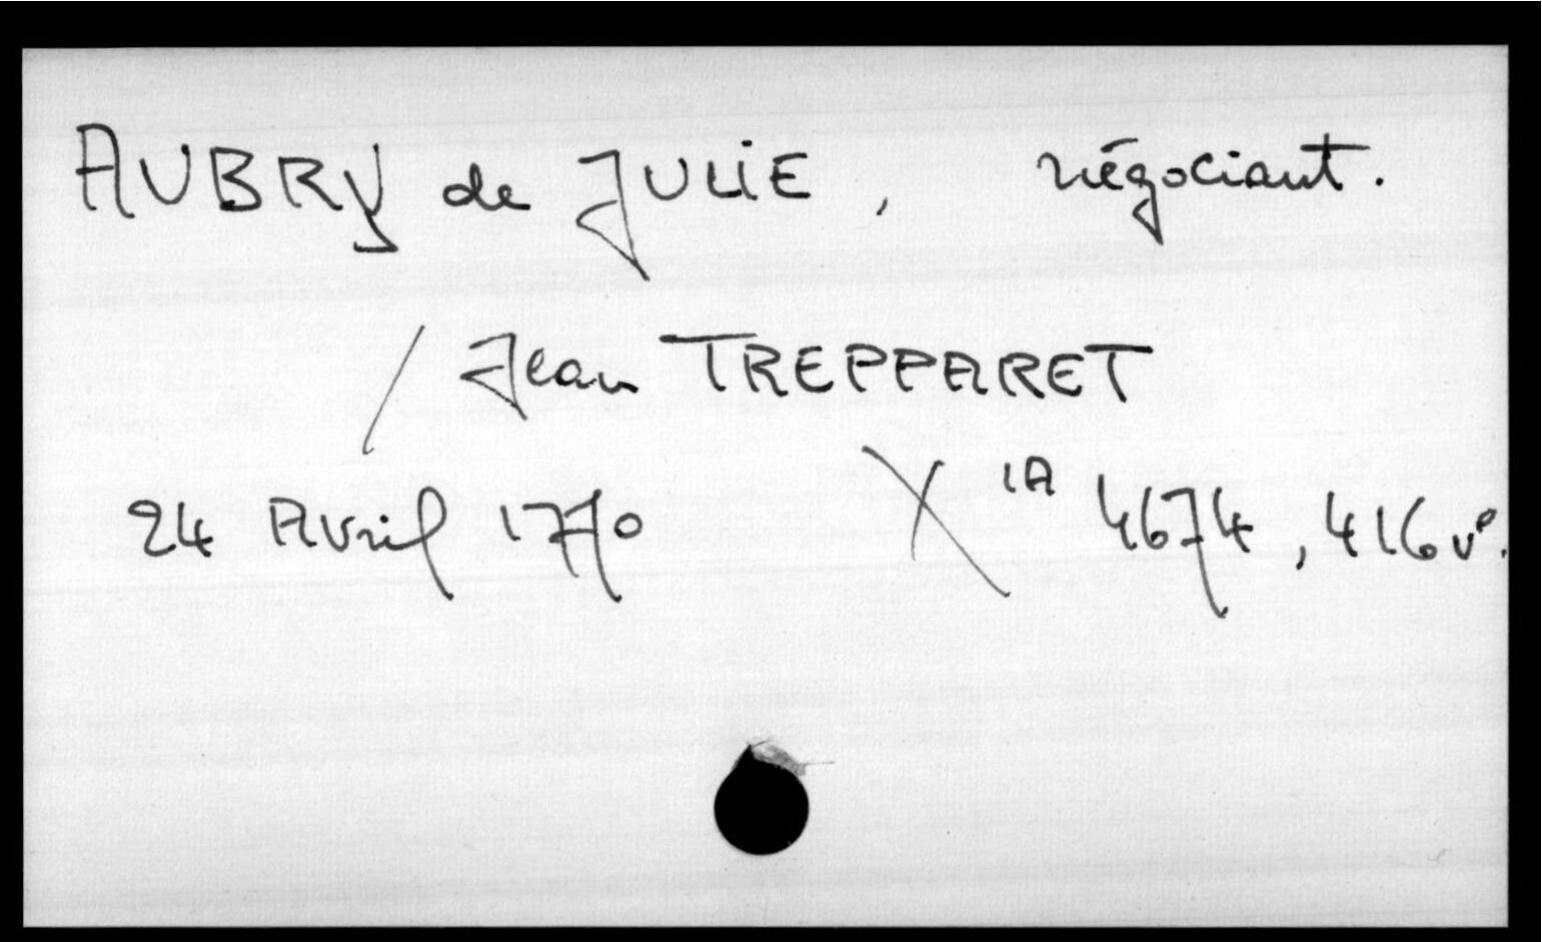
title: AUBRY de JULIE, négociant
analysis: Contre Jean TREPPARET
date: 24 avril 1770
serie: X1A
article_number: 4674
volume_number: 416v
